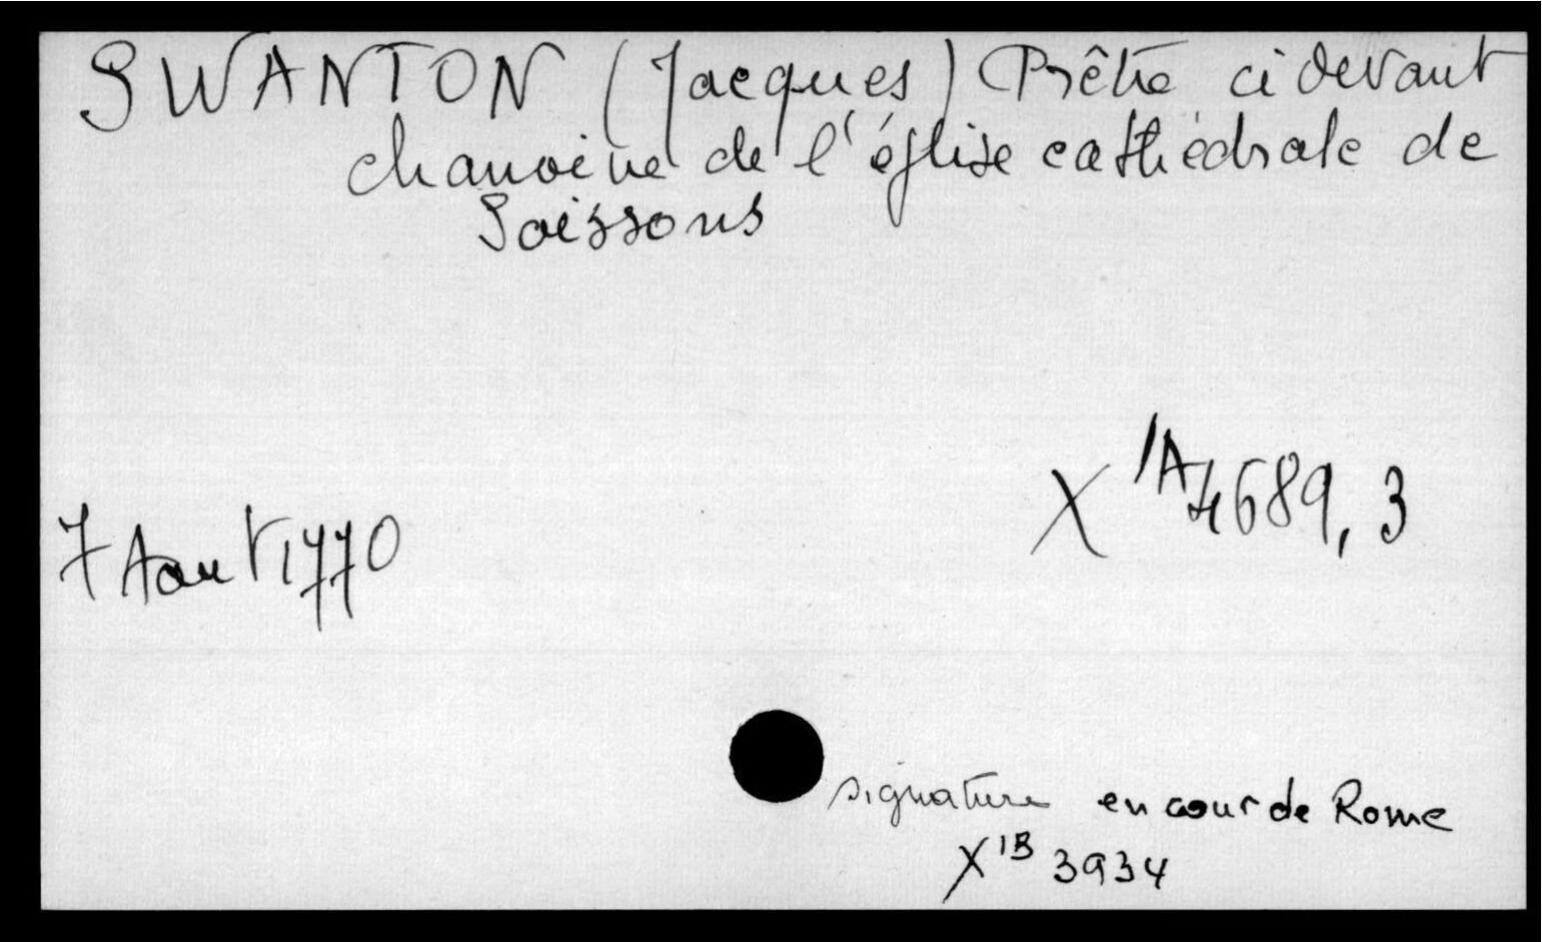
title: SWANTON (Jacques) Prêtre ci-devant chanoine de l'église cathédrale de Soissons
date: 7 août 1770
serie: X1A
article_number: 4689
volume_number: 3
